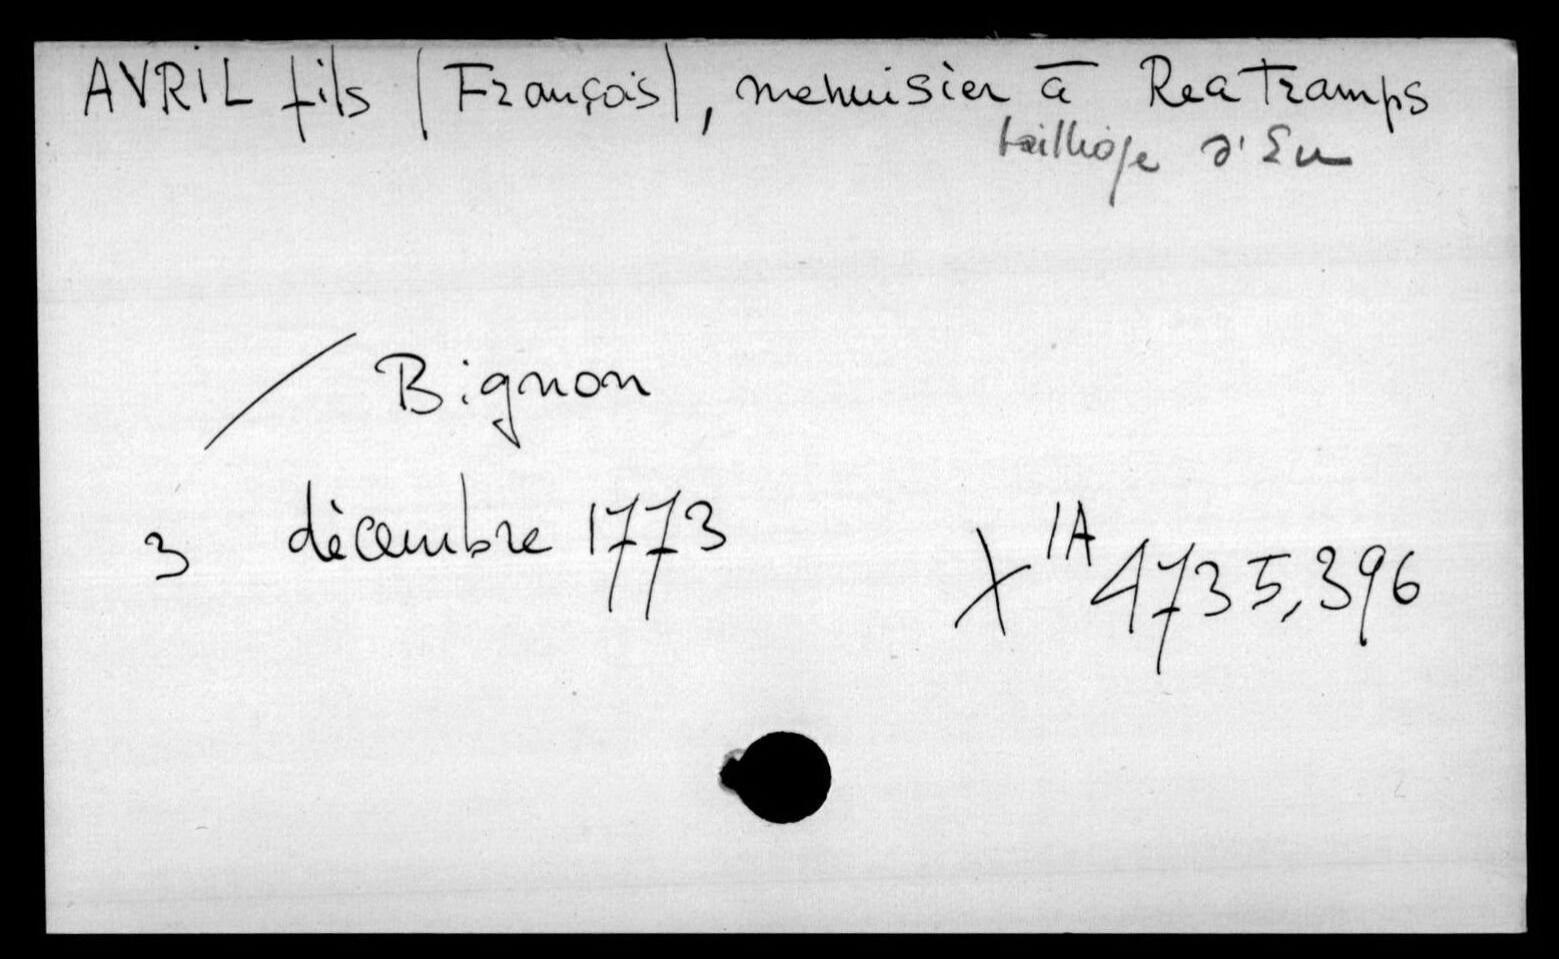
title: AVRIL fils (François), menuisier à Reatramps bailliage d'Eu
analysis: Contre Bignon
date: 3 décembre 1773
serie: X1A
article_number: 4735
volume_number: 396
